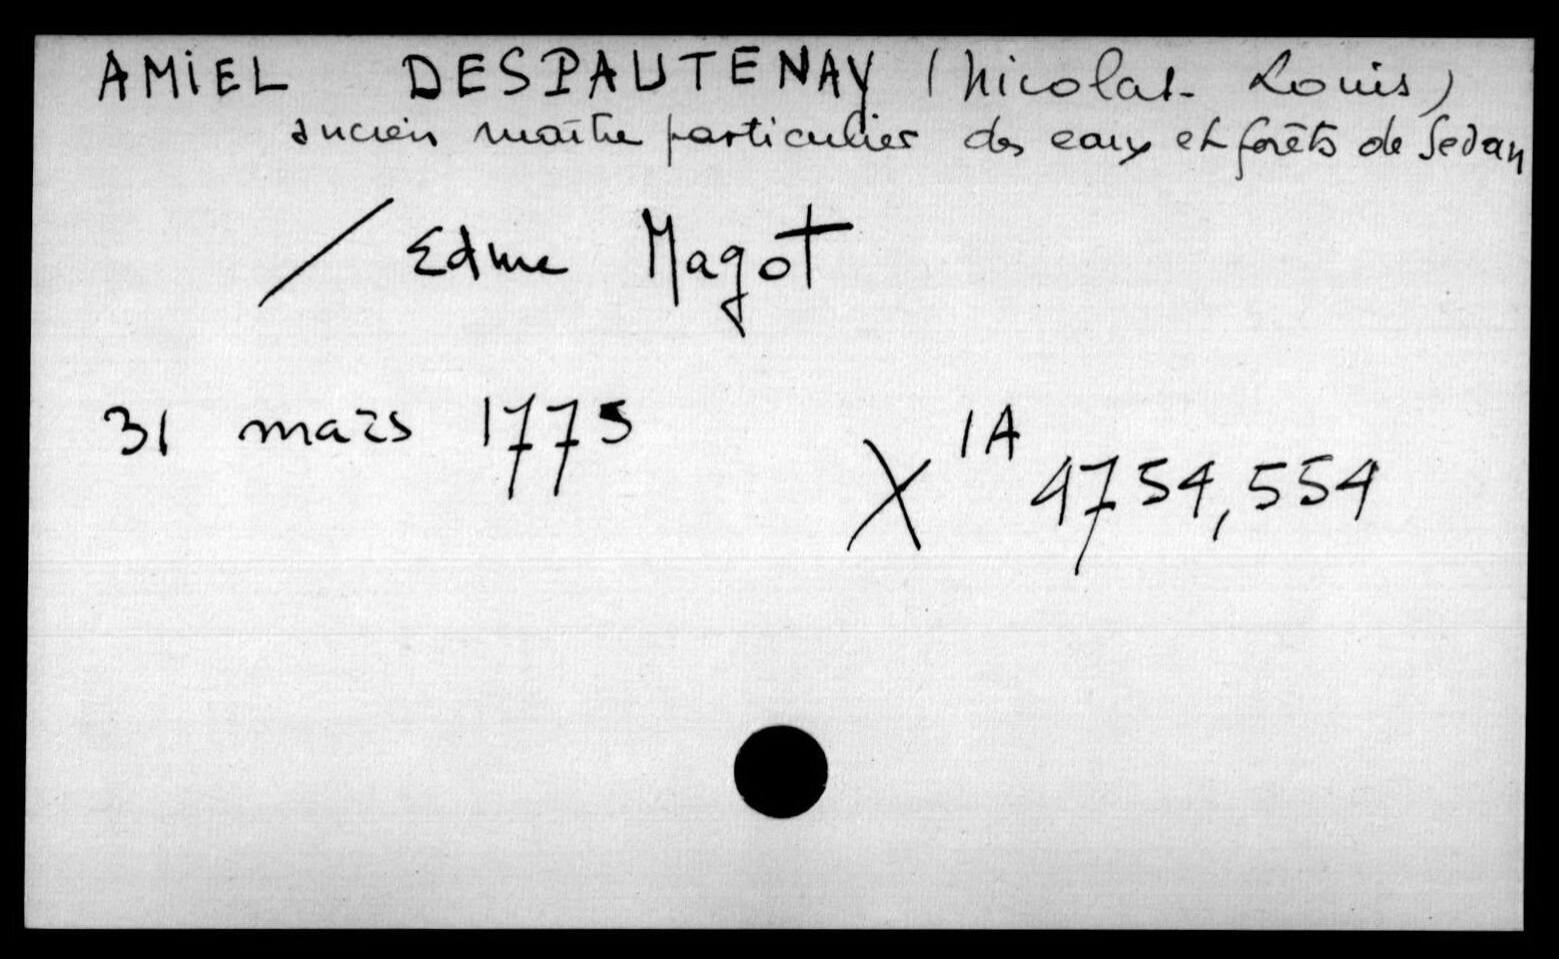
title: AMIEL DESPAUTENAY (Nicolas-Louis) ancien maître particulier des eaux et forêts de Sedan
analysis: Contre Edme Magot
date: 31 mars 1775
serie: X1A
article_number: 4754
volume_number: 554
